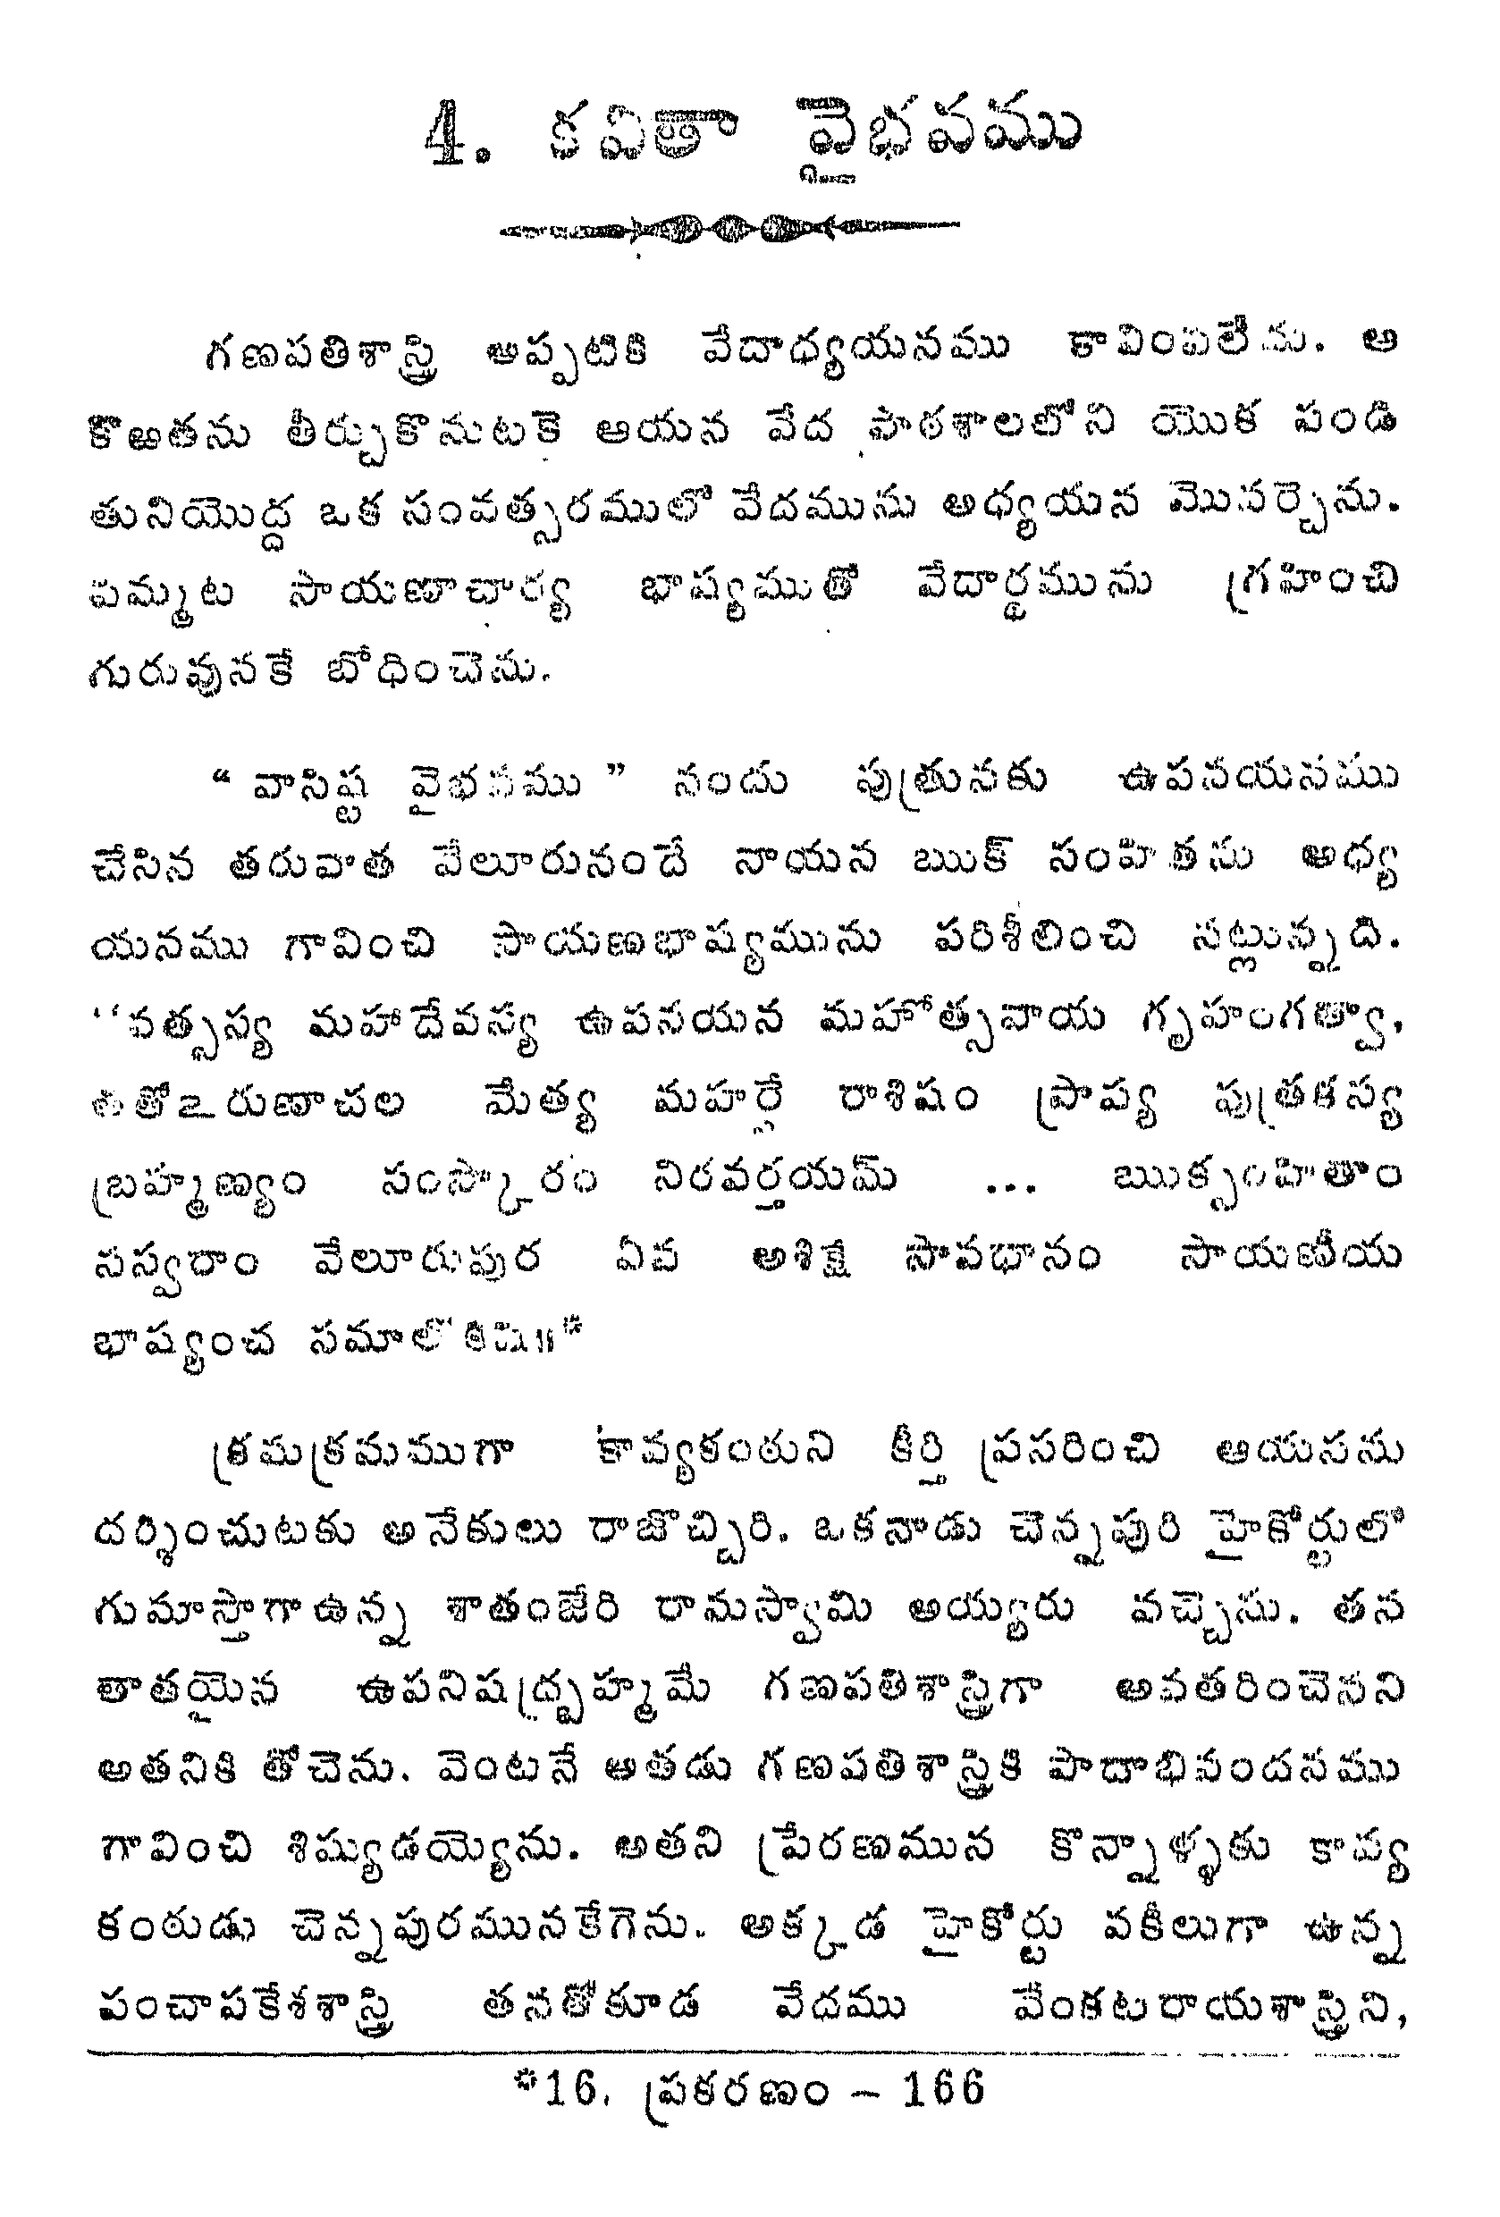గణపతిశాస్త్రి అప్పటికి వేదాధ్యయనము కావింపలేదు. ఆ కొఱతను తీర్చుకొనుటకై ఆయన వేద పాఠశాలలోని యొక పండితునియొద్ద ఒక సంవత్సరములో వేదమును అధ్యయన మొనర్చెను. పిమ్మట సాయణాచార్య భాష్యముతో వేదార్థమును గ్రహించి గురువునకే బోధించెను. 

"వాసిష్ట వైభవము" నందు పుత్రునకు ఉపనయనము చేసిన తరువాత వేలూరునందే నాయన ఋక్ సంహితను అధ్యయనము గావించి సాయణభాష్యమును పరిశీలించి నట్లున్నది. "వత్సస్య మహాదేవస్య ఉపనయన మహోత్సవాయ గృహంగత్వా, తతో౽రుణాచల మేత్య మహర్షే రాశిషం ప్రాప్య పుత్రకస్య బ్రహ్మణ్యం సంస్కారం నిరవర్తయమ్ ... ఋక్సంహితాం సస్వరాం వేలూరుపుర ఏవ అశిక్షే సావధానం సాయణీయ భాష్యంచ సమాలోకషి||

క్రమక్రమముగా కావ్యకంఠుని కీర్తి ప్రసరించి ఆయనను దర్శించుటకు అనేకులు రాజొచ్చిరి. ఒకనాడు చెన్నపురి హైకోర్టులో గుమస్తాగాఉన్న శాతంజేరి రామస్వామి అయ్యరు వచ్చెను. తన తాతయైన ఉపనిషద్ర్బహ్మమే గణపతిశాస్త్రిగా అవతరించెనని అతనికి తోచెను. వెంటనే అతడు గణపతిశాస్త్రికి పాదాభివందనము గావించి శిష్యుడయ్యెను. అతని ప్రేరణమున కొన్నాళ్ళకు కావ్యకంఠుడు చెన్నపురమునకేగెను. అక్కడ హైకోర్టు వకీలుగా ఉన్న పంచాపకేశశాస్త్రి తనతోకూడ వేదము వేంకటరాయశాస్త్రిని,